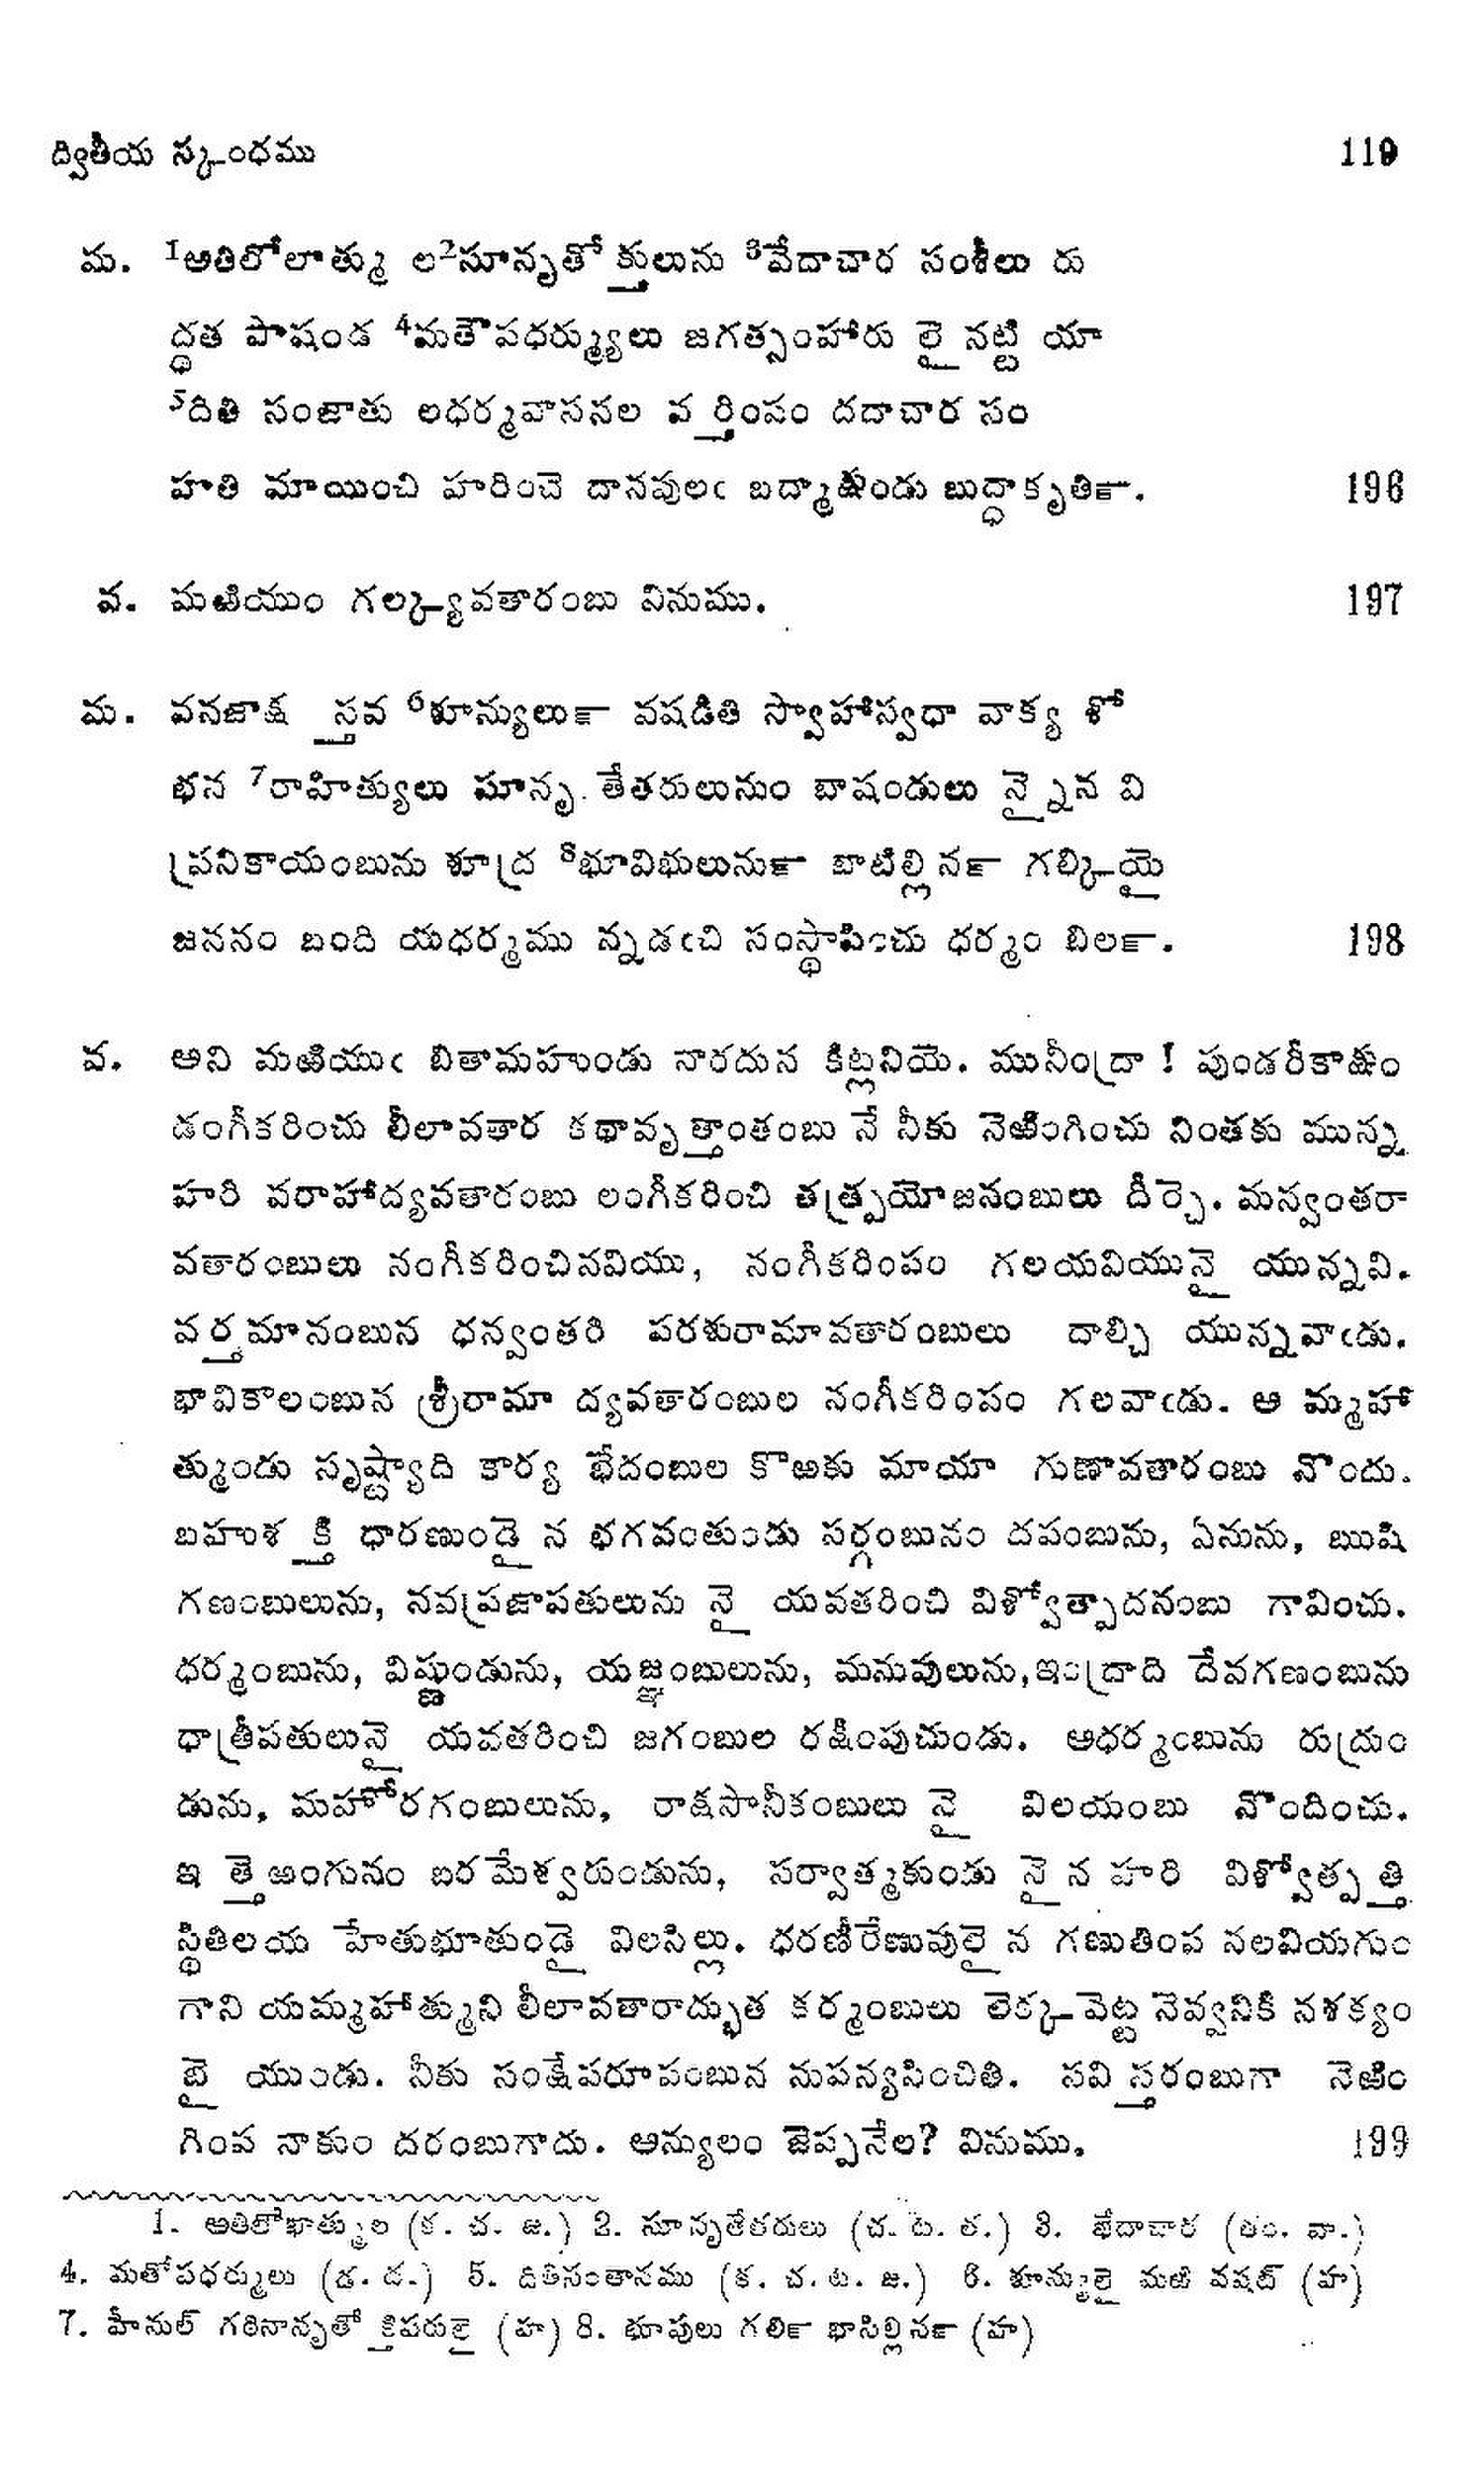119

మ. అతిలోలాత్ము ల సూనృతోక్తులును వేదాచార సంశీలు రు

ద్థత పాషాండ మతౌపధర్మ్యులు జగత్సంహారు లైనట్టి యా

దితి సంజాతు లధర్మవాసనల వర్తింపం దదాచార సం

హతి మాయించి హరించె దానవులఁ బద్మాక్షుండు బుద్దాకృతిన్ ( 196 )

వ. మఱియుం గల్క్యవతారంబు వినుము. ( 197 )

మ. వనజాక్ష స్తవ శూన్యులున్ వషడితి స్వాహాస్వధా వాక్య శో

భన రాహిత్యులు సూనృ తేతరులునుం బాషండులు న్నైన వి

ప్రనికాయంబును శూద్ర భూవిభులున్ బాటిల్లినన్ గల్కియై

జననం బంది యధర్మము న్నడఁచి సంస్థాపించు ధర్మం బిలన్. ( 198 )

వ. అని మఱియుఁ బితామహుండు నారదున కిట్లనియె. మునీంద్ర! పుండరీకాక్షుండంగీకరించు లీలావతార కథావృత్తాంతంబులు నే నీకు నెఱింగించు నింతకు మున్న హరి వరాహాద్యవతారంబు లంగీకరించి తత్ప్రయోజనంబులు దీర్చె. మన్వంతరావతారంబులు నంగీకరించినవియు, నంగీకరింపం గలయవియునై యున్నవి. వర్తమానంబున ధన్వంతరి పరుశరామావతారంబులు దాల్చి యున్నవాఁడు. భావికాలంబున శ్రీరామా ద్యవతారంబుల నంగీకరింపం గలవాఁడు. అ మ్మహాత్ముండు సృష్ట్యాది కార్య భేదంబుల కొఱకు మాయా గుణావతారంబు నొందు. బహుశక్తి ధారణుండైన భగవంతుడు సర్గంబునం దపంబును, ఏనును, ఋషి గణంబులును, నవప్రజాపతులును నై యవతరించి విశ్వోత్పాదనంబు గావించు. ధర్మంబును , విష్ణుడును, యజ్ఞంబులును, మనువులును, ఇంద్రాది దేవగణంబును ధాత్రీపతులునై యవతరించి జగంబుల రక్షింపుచుండు. అధర్మంబును రుద్రుండును, మహోరగంబులును, రాక్షాసానీకంబులు నై విలయంబు నొందించు. ఇత్తెఱంగునం బరమేశ్వరుండును, సర్వాత్మకుండు నైన హరి విశ్వోత్పత్తిస్థితిలయ హేతుభూతుండై విలసిల్లు. ధరణీరేణువులైన గణుతింప నలవియగుం గాని యమ్మహాత్ముని లీలావతారాద్భుత కర్మంబులు లెక్క వెట్ట నెవ్వనికి నశక్యంబై యుండు. నీకు సంక్షేపరూపంబున నుపన్యసించితి. సవిస్తరంబుగా నెఱింగింప నాకుం దరంబు గాదు. అన్యులం జెప్పనేల? వినుము. 199